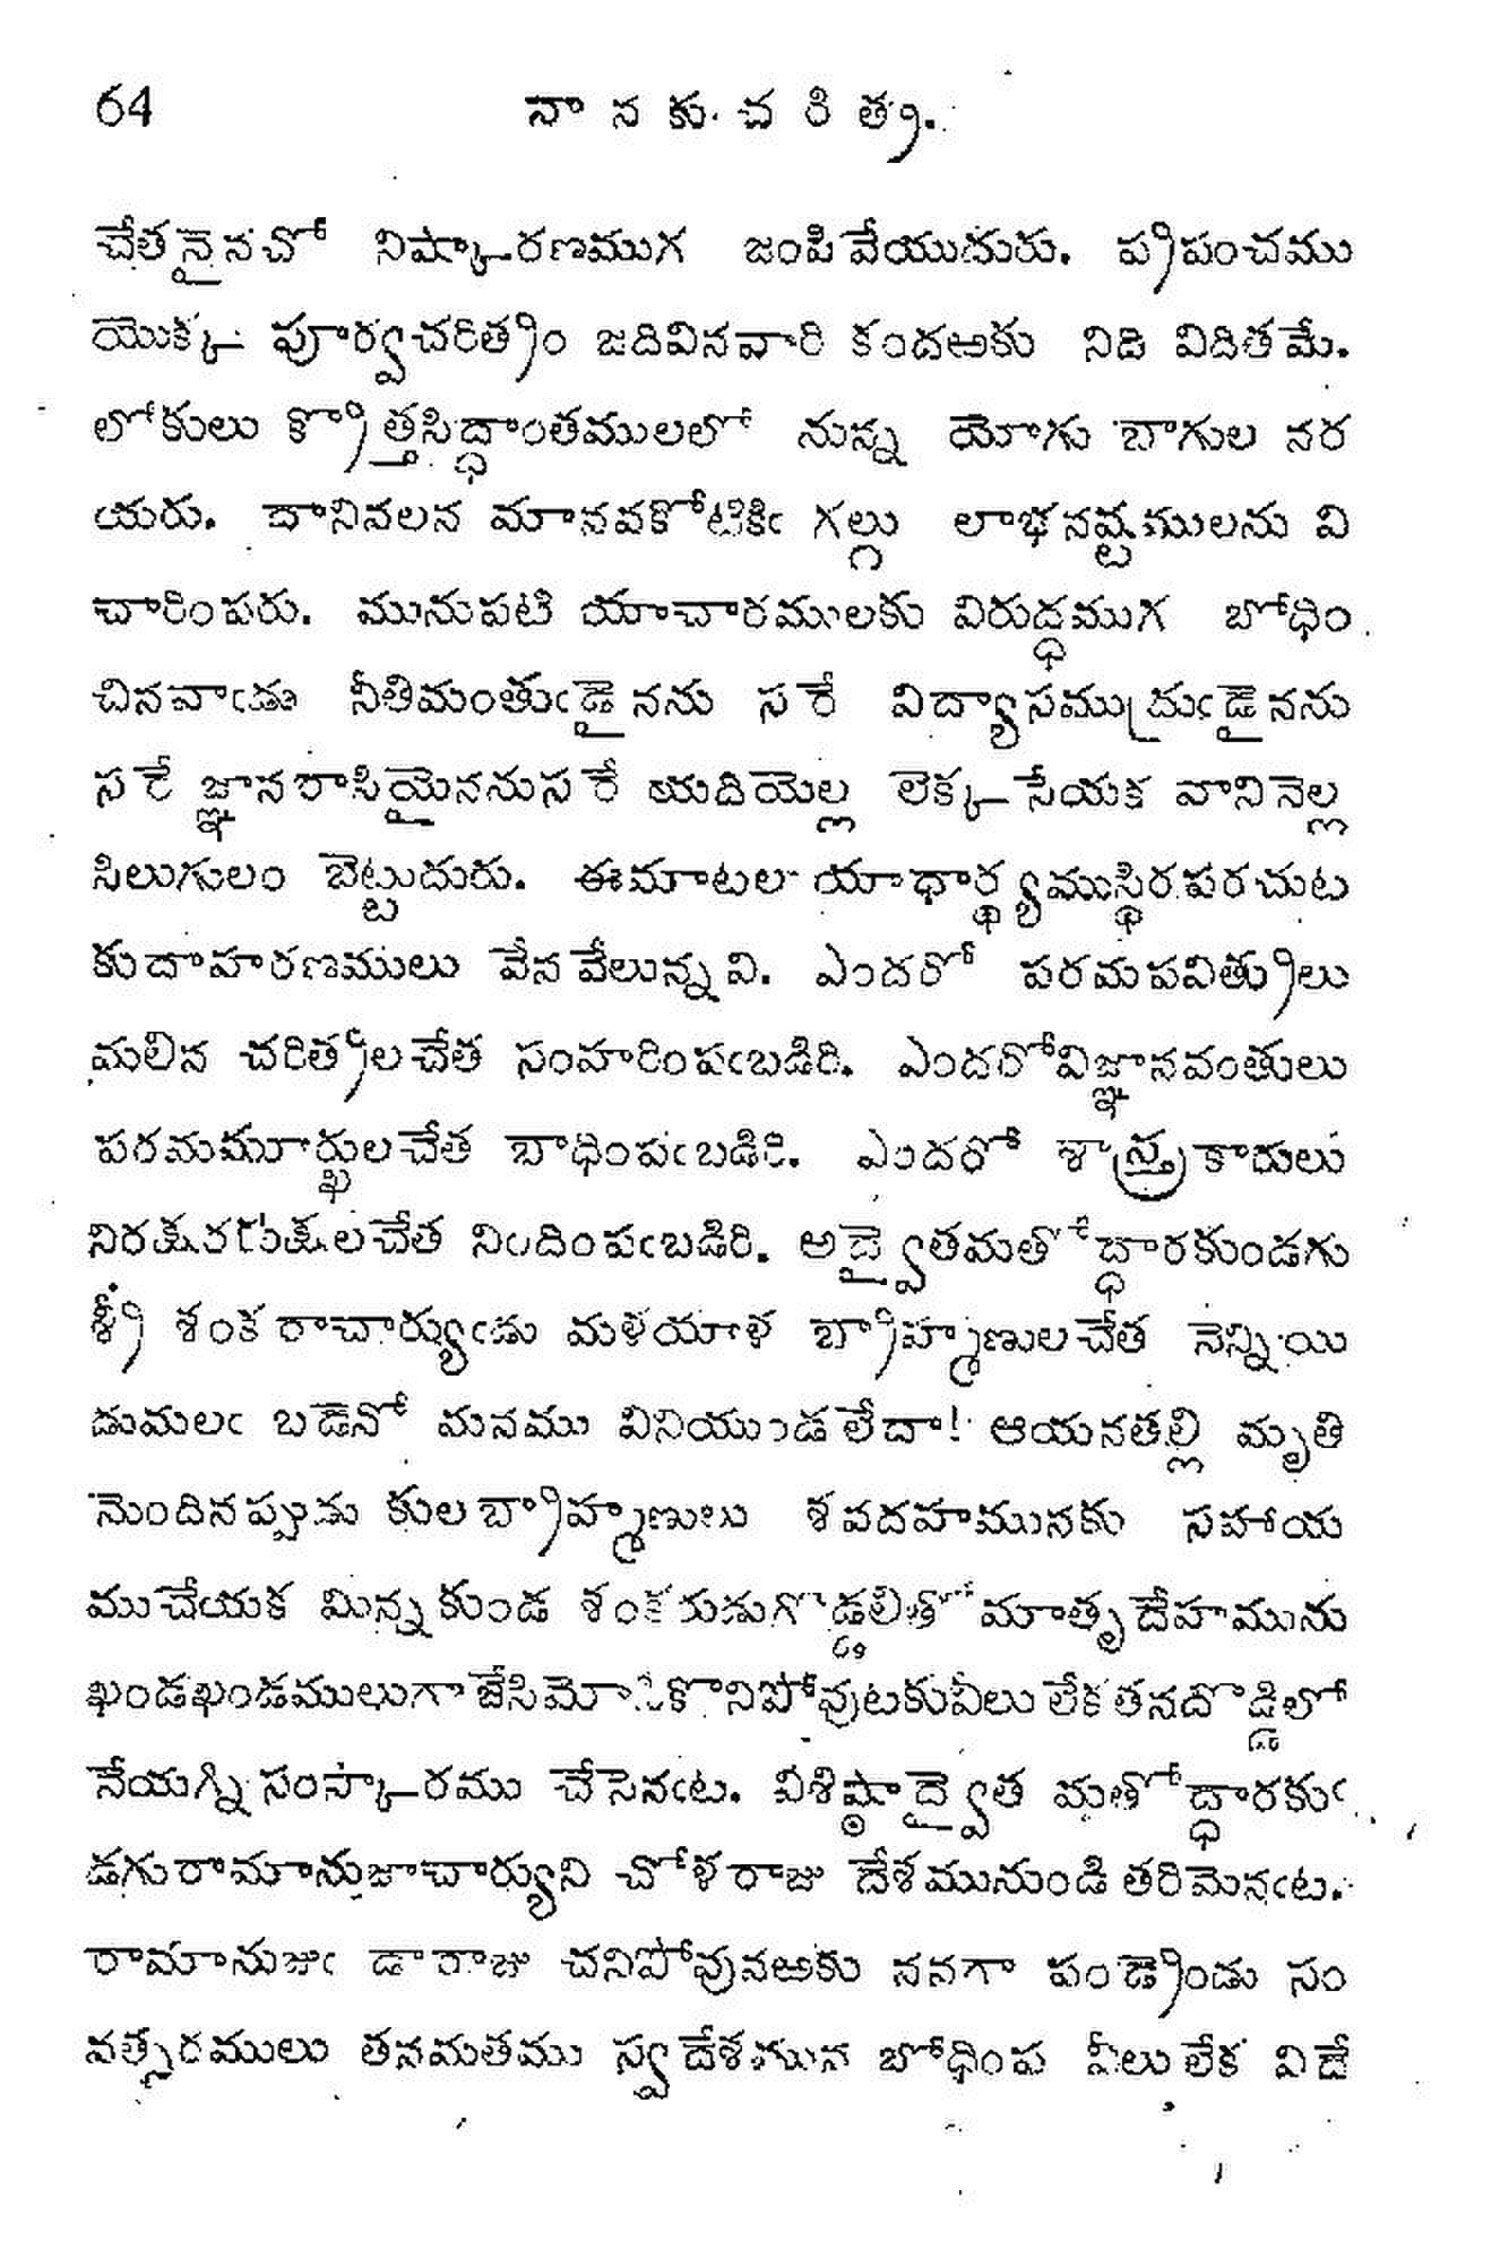చేతనైనచో నిష్కారణముగ జంపివేయుదురు. ప్రపంచము యొక్క పూర్వచరిత్రం జదివినవారి కందఱకు నిది విదితమే. లోకులు క్రొత్తసిద్ధాంతములలో నున్న యోగు బాగుల నరయరు. దానివలన మానవకోటికి గల్గు లాభనష్టములను విచారింపరు. మునుపటి యాచారములకు విరుద్దముగ బోధించినవాడు నీతిమంతుడైనను సరే విద్యాసముద్రుడైనను సరే జ్ఞానరాసియైననుసరే యదియెల్ల లెక్కసేయక వానినెల్ల సిలుగులం బెట్టుదురు. ఈమాటల యధార్థ్యముస్థిరపరచుట కుదాహరణములు వేనవేలున్నవి. ఎందరో పరమపవిత్రులు మలిన చరిత్రలచేత సంహరింపబడిరి. ఎందరోవిజ్ఞానవంతులు పరమమూర్ఖులచేత బాధింపబడిరి. ఎందరో శాస్త్రకారులు నిరక్షరకుక్షలచేత నిందింపబడిరి. అద్వైతమతోద్ధారకుండగు శ్రీ శంకరాచార్యుడు మళయాళ బ్రాహ్మణులచేత నెన్నియిడుమల బడెనో మనము వినియుందలేదా! ఆయనతల్లి మృతినొందినప్పుడు కులబ్రాహ్మణులు శవదహనమునకు సహాయముచేయక మిన్నకుండ శంకరుడుగొడ్డలితో మాతృదేహమును ఖండఖండలుగాజేసి మోసికొనిపోవుటకువీలులేక తనదొడ్డిలోనేయగ్నిసంస్కారము చేసెనట. విశిష్ఠాద్వైత మతోద్ధారకుడగు రామానుజాచార్యుని చోళరాజు దేశమునుండి తరిమెనట. రామానుజు డారాజు చనిపోవువఱకు ననగా పండ్రెండు సంవత్సరములు తనమతము స్వదేశమున బోధింప వీలులేక విదే